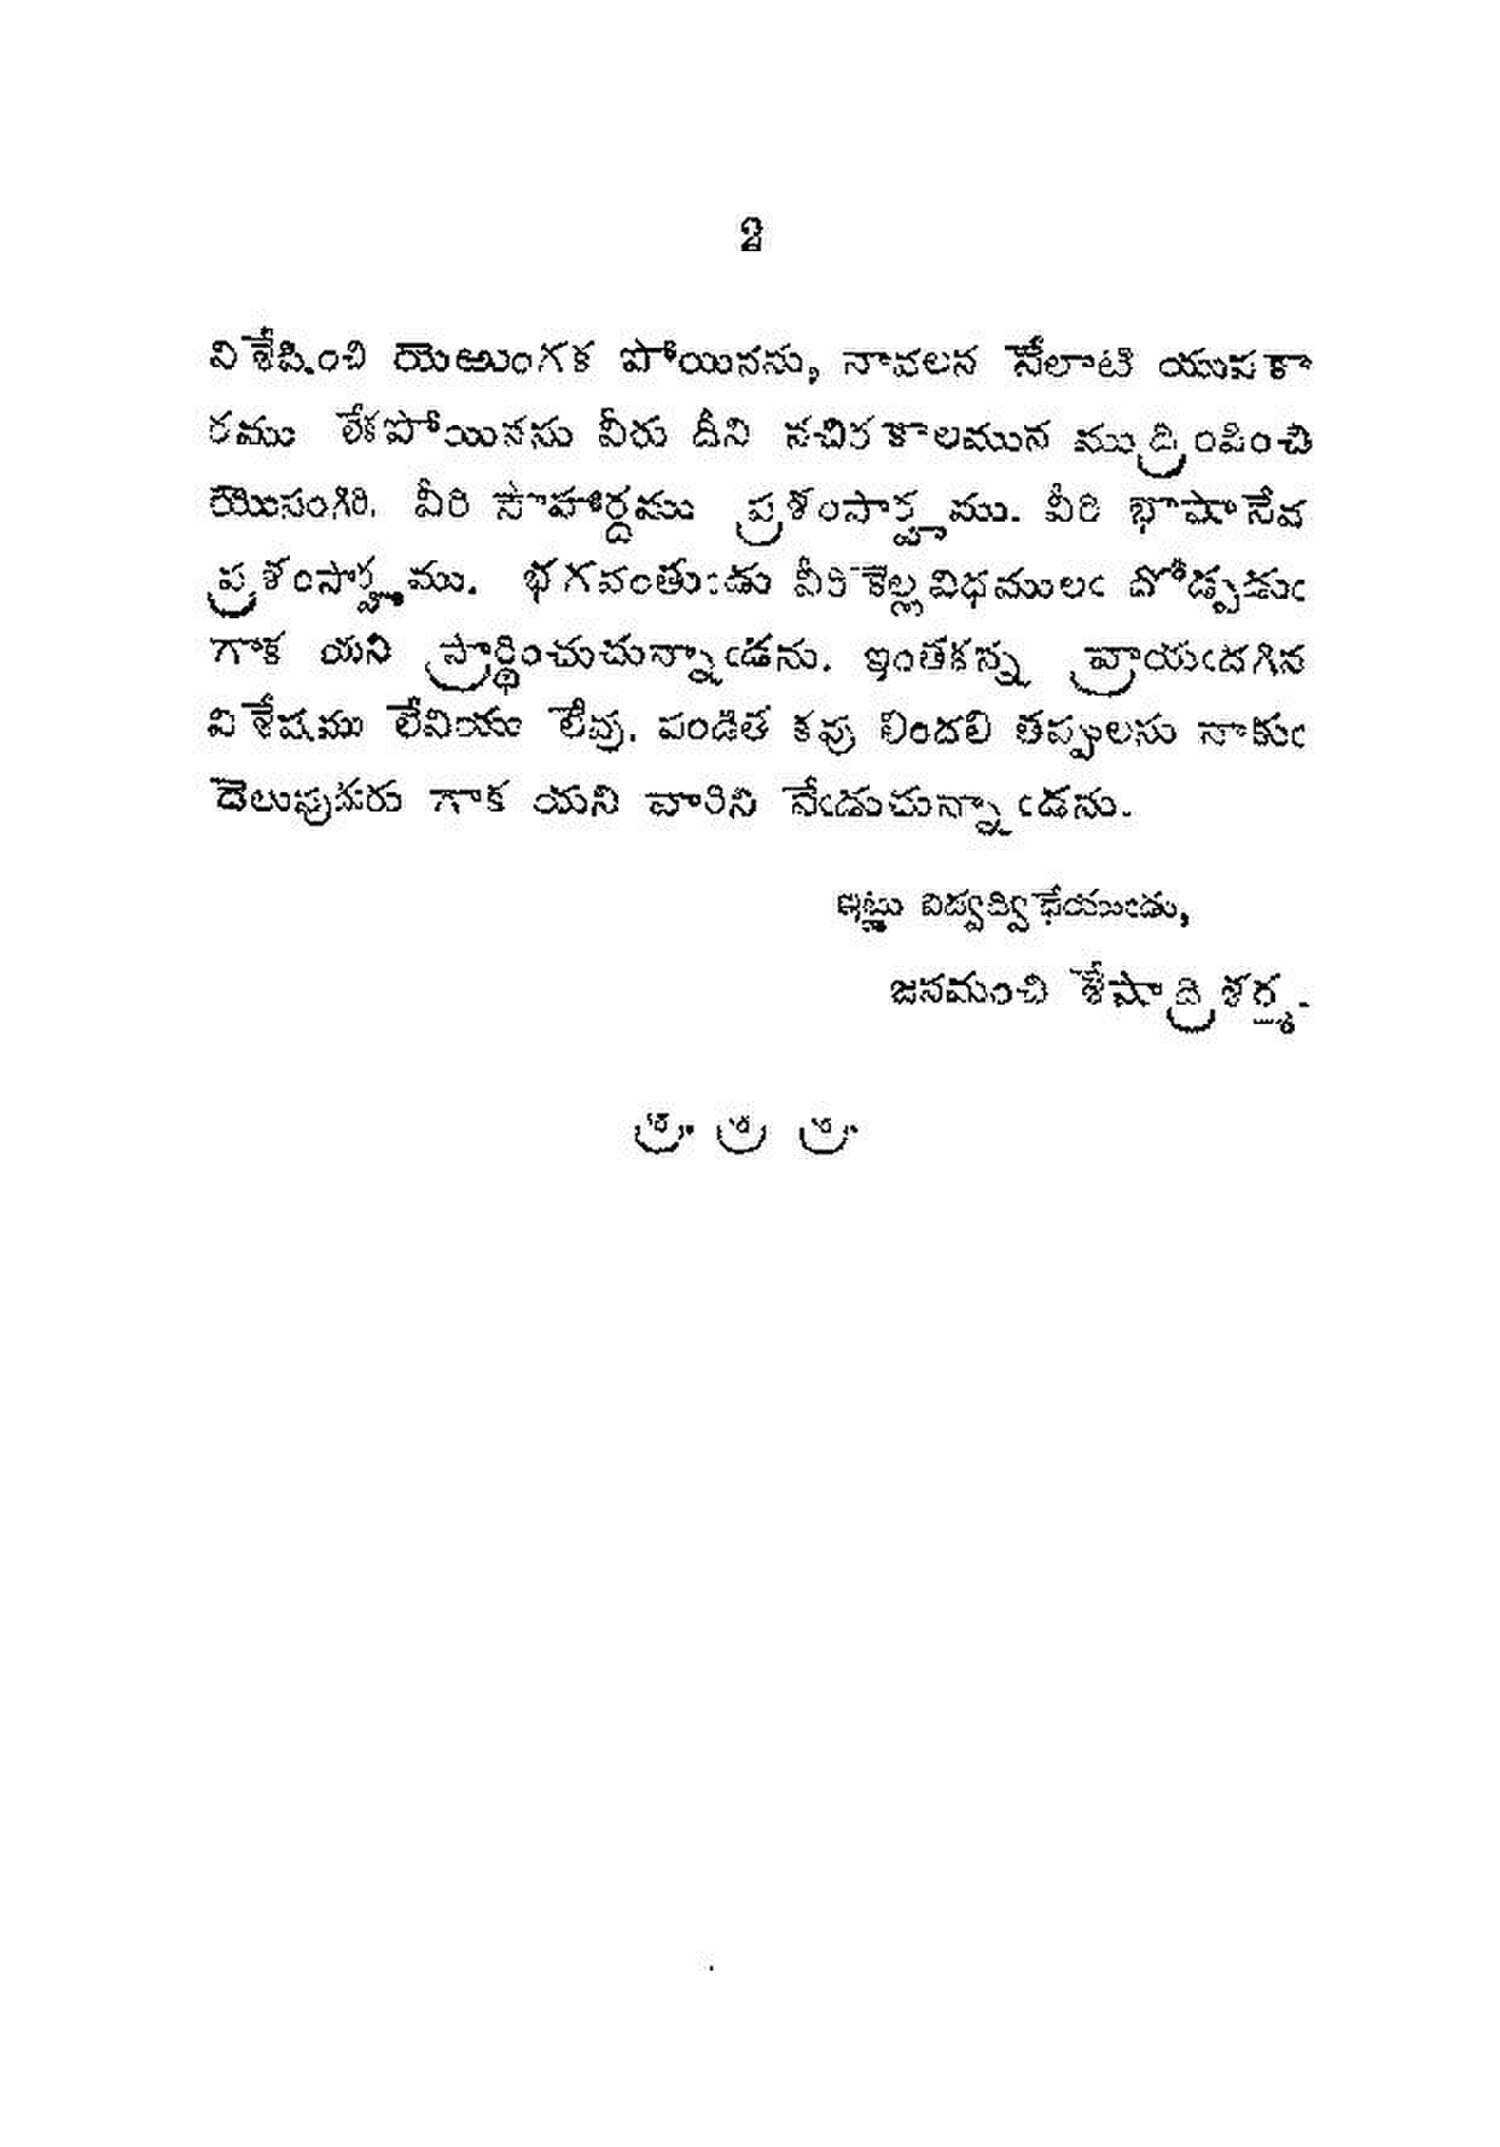విశేషించి యెఱుంగక పోయినను, నావలన నేలాటి యుపకారము లేకపోయినను వీరు దీని నచిరకాలమున ముద్రింపించి యొసంగిరి. వీరి సౌహార్ద్రము ప్రశంసార్హము. వీరి భాషాసేవ ప్రశంసార్హము. భగవంతుడు వీరి కెల్లవిధములఁ దోడ్పడుఁ గాక యని ప్రార్థించుచున్నాఁడను. ఇంతకన్న వ్రాయఁదగిన విశేషము లేవియు లేవు. పండిత కవు లిందలి తప్పులను నాకుఁ దెలుపుదురు గాక యని వారిని వేడుచున్నాఁడను.